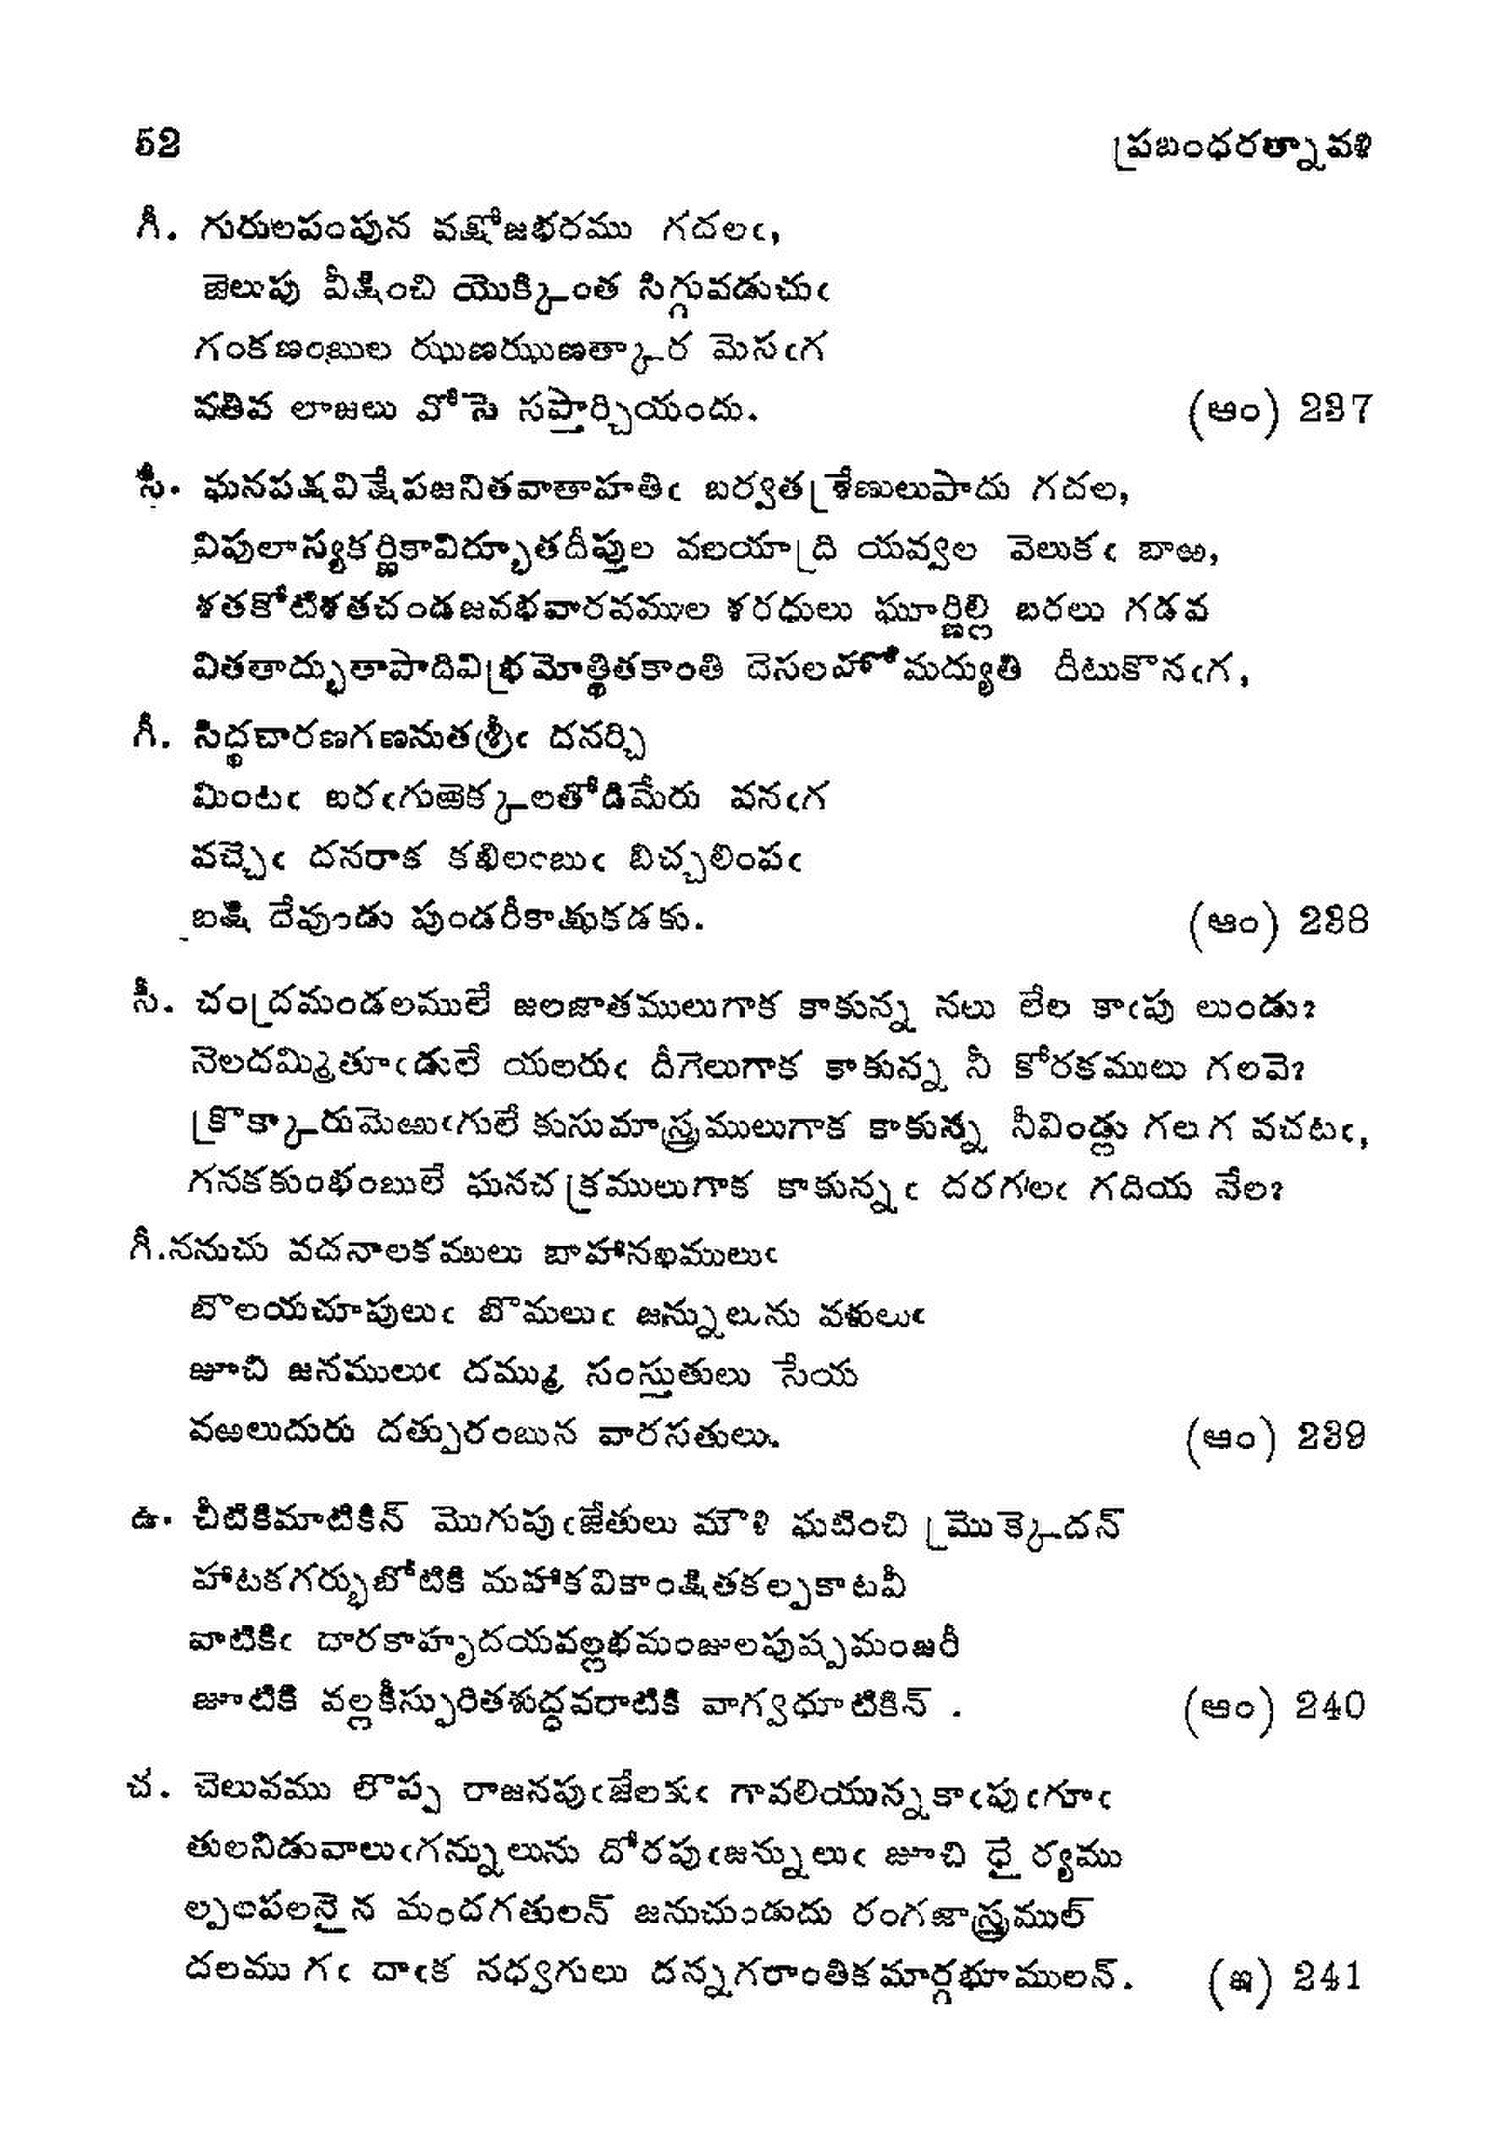గీ. గురులపంపున వక్షోజభరము గదలఁ,
జెలువు వీక్షించి యొక్కింత సిగ్గువడుచుఁ
గంకణంబుల ఝణఝణత్కార మెసఁగ
నతివ లాజలు వోసె సప్తార్చియందు. (ఆం) 237

సీ. ఘనపక్షవిక్షేపజనితవాతాహతిఁ బర్వతశ్రేణులు పాదు గదల,
విపులాస్యకర్ణికావిర్భూతదీప్తుల మలయాద్రి యవ్వల వెలుకఁ బాఱ,
శతకోటిశతచండజవభవారవముల శరధులు ఘూర్ణిల్లి బరలు గడవ,
వితతాద్భుతాపాదివిభ్రమోత్థిత కాంతి దెసల హోమద్యుతి దీటుకొనఁగ,
గీ. సిద్ధచారణగణనుతశ్రీఁ దనర్చి
మింటఁ బరఁగు ఱెక్కలతోడి మేరువనఁగ
వచ్చెఁ దన రాక కఖిలంబుఁ బిచ్చలింపఁ
బక్షిదేవుండు పుండరీకాక్షుకడకు. (ఆం) 238

సీ. చంద్రమండలములే జలజాతములు గాక కాకున్న నలులేల కాఁపులుండు?
నెలదమ్మితూఁడులే యలరుఁదీగెలు గాక కాకున్న నీ కోరకములు గలవె?
క్రొక్కారుమెఱుఁగులే కుసుమాస్త్రములు గాక కాకున్న నీవిండ్లు గలగ వచటఁ?
గనకకుంభంబులే ఘనచక్రములు గాక కాకున్నఁ దరగలఁ గదియనేల?
గీ. ననుచు వదనాలకములు బాహానఖములుఁ
బొలయుచూపులఁ బొమలుఁ జన్నులును వళులుఁ
జూచి జనములుఁ దమ్ము సంస్తుతులు సేయ
వఱలుదురు దత్పురంబున వారసతులు. (ఆం) 239

ఉ. చీటికిమాటికిన్ మొగుపుఁజేతులు మౌళి ఘటించి మ్రొక్కెదన్
హాటకగర్భుబోటికి మహాకవికాంక్షితకల్పకాటవీ
వాటికిఁ దారకాహృదయవల్లభమంజులపుష్పమంజరీ
జూటికి వల్లకీస్ఫురితశుద్ధవరాటికి వాగ్వధూటికిన్. (ఆం) 240

చ. చెలువము లొప్ప రాజనపుఁజేలకుఁ గావలియున్న కాఁపుఁగూఁ
తుల నిడువాలుఁగన్నులును దోరపుఁజన్నులుఁ జూచి ధైర్యముల్
పలపలనైన మందగతులన్ జనుచుండుదు రంగజాస్త్రముల్
దలముగఁ దాఁక నధ్వగులు దన్నగరాంతికమార్గభూములన్. (ఇ) 241